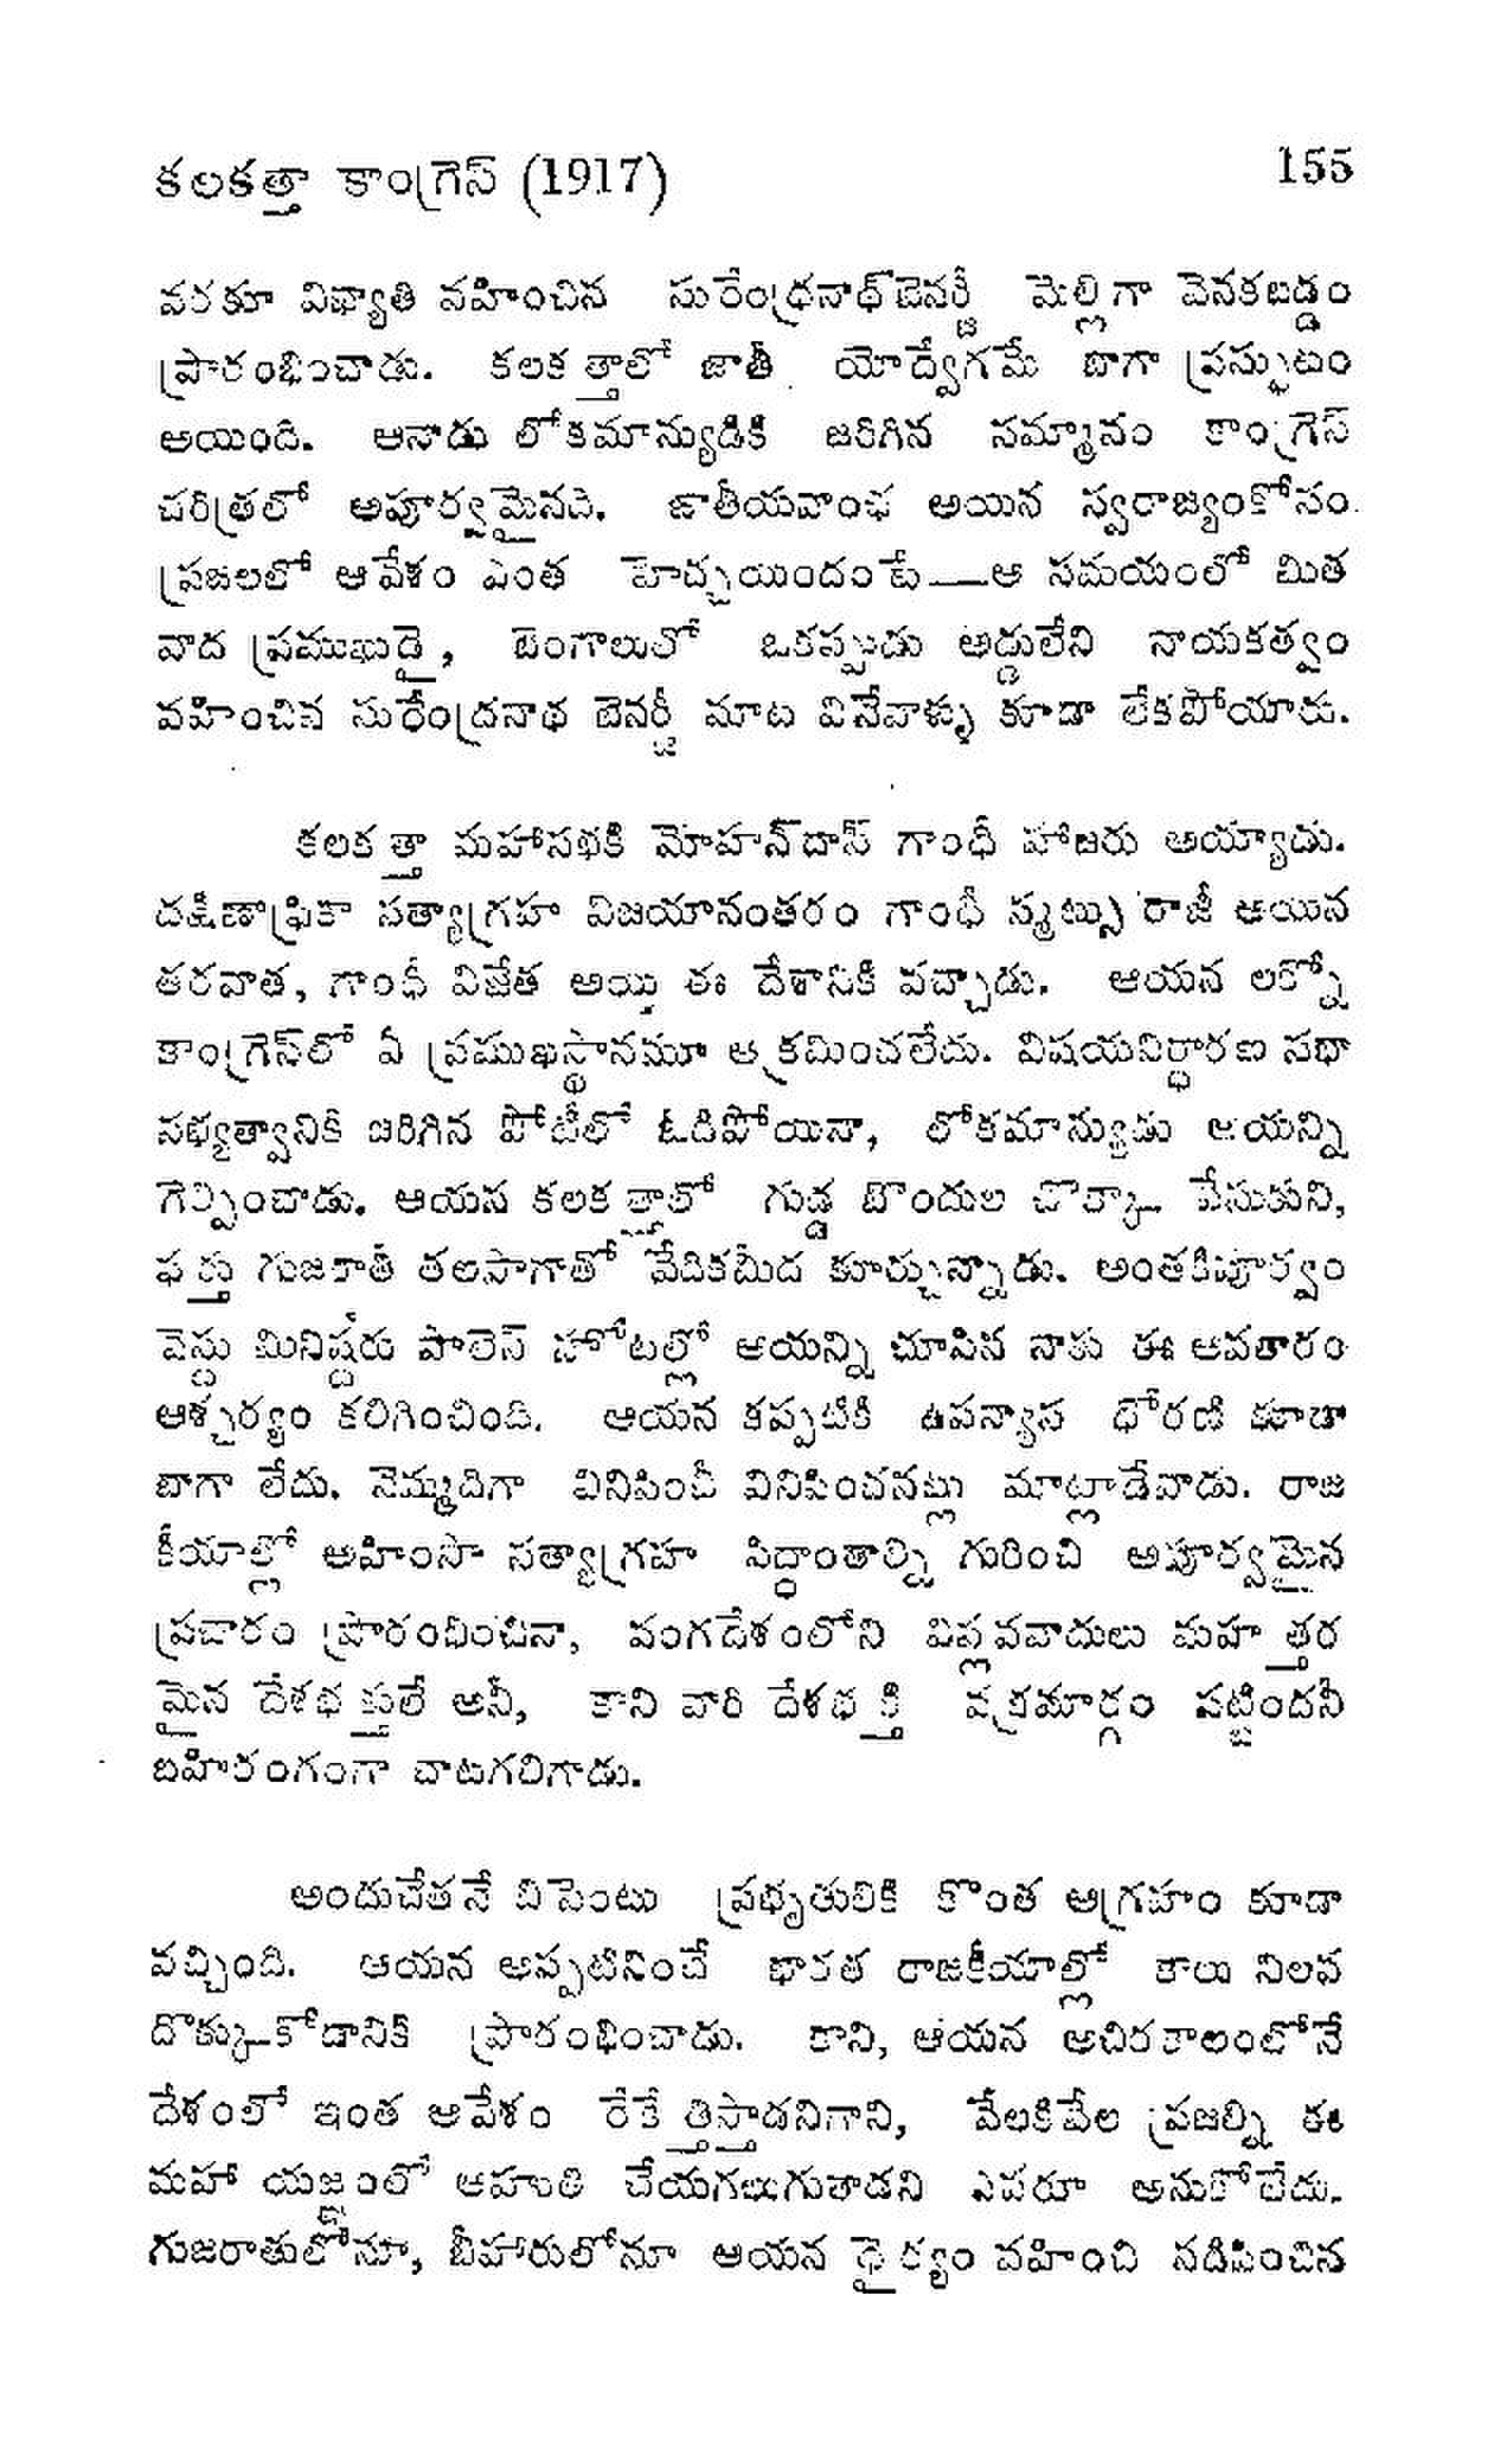వరకూ విఖ్యాతి వహించిన సురేంధ్రనాథ్‌బెనర్జీ మెల్లిగా వెనకబడ్డం ప్రారంభించాడు. కలకత్తాలో జాతీ యోద్వేగమే బాగా ప్రస్ఫుటం అయింది. ఆనాడు లోకమాన్యుడికి జరిగిన సమ్మానం కాంగ్రెస్ చరిత్రలో అపూర్వమైనది. జాతీయవాంఛ అయిన స్వరాజ్యంకోసం ప్రజలలో ఆవేశం ఎంత హెచ్చయిందంటే - ఆ సమయంలో మితవాద ప్రముఖుడై, బెంగాలులో ఒకప్పుడు అడ్డులేని నాయకత్వం వహించిన సురేంద్రనాథ బెనర్జీ మాట వినేవాళ్ళు కూడా లేకపోయారు.

కలకత్తా మహాసభకి మోహన్‌దాస్ గాంధీ హాజరు అయ్యాడు. దక్షిణాఫ్రికా సత్యాగ్రహ విజయానంతరం గాంధీ స్మట్సు రాజీ అయిన తరవాత. గాంధీ విజేత అయి ఈ దేశానికి వచ్చాడు. ఆయన లక్నో కాంగ్రెస్‌లో ఏ ప్రముఖస్థానమూ ఆక్రమించలేదు. విషయనిర్ధారణ సభా సభ్యత్వానికి జరిగిన పోటీలో ఓడిపోయినా, లోకమాన్యుడు ఆయన్ని గెల్పించాడు. ఆయన కలకత్తాలో గుడ్డ బొందుల చొక్కా వేసుకుని, ఫర్తు గుజరాతీ తలపాగాతో వేదికమీద కూర్చున్నాడు. అంతకిపూర్వం వెస్టు మినిష్టరు పాలెస్ హోటల్లో ఆయన్ని చూసిన నాకు ఈ అవతారం ఆశ్చర్యం కలిగించింది. ఆయన కప్పటికీ ఉపన్యాస ధోరణి కూడా బాగా లేదు. నెమ్మదిగా వినిపించీ వినిపించనట్లు మాట్లాడేవాడు. రాజకీయాల్లో అహింసా సత్యాగ్రహ సిద్ధాంతాల్ని గురించి అపూర్వమైన ప్రచారం ప్రారంభించినా, వంగదేశంలోని విప్లవవాదులు మహత్తరమైన దేశభక్తులే అనీ, కాని వారి దేశభక్తి వక్రమార్గం పట్టిందనీ బహిరంగంగా చాటగలిగాడు.

అందుచేతనే బిసెంటు ప్రభృతులికి కొంత ఆగ్రహం కూడా వచ్చింది. ఆయన అప్పటినించే భారత రాజకీయాల్లో కాలు నిలవదొక్కుకోడానికి ప్రారంభించాడు. కాని, ఆయన అచిరకాలంలోనే దేశంలో ఇంత ఆవేశం రేకేతిస్తాడనిగాని, వేలకివేల ప్రజల్ని ఈ మహా యజ్ఞంలో ఆహుతి చేయగలుతాడని ఎవరూ అనుకోలేదు. గుజరాతులోనూ, బీహారులోనూ ఆయన ధైర్యం వహించి నడిపించిన